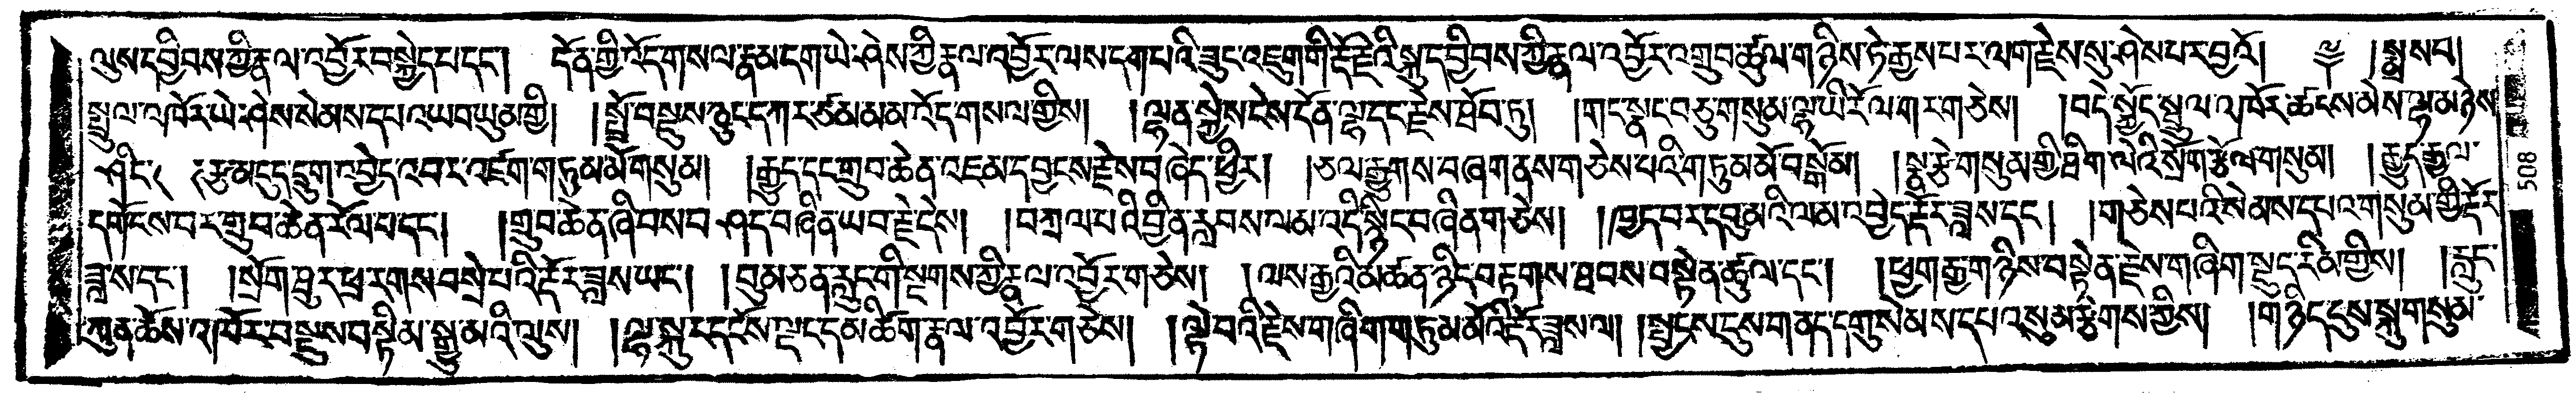ལུས་དབྱིབས་ཀྱི་རྣལ་འབྱོར་བསྐྱེད་པ་དང་། དོན་གྱི་འོད་གསལ་རྣམ་དག་ཡེ་ཤེས་ཀྱི་རྣལ་འབྱོར་ལས་དག་པའི་ཟུང་འཇུག་གི་རྡོ་རྗེའི་སྐུ་དབྱིབས་ཀྱི་རྣལ་འབྱོར་འགྲུབ་ཚུལ་གཉིས་ཏེ་རྒྱས་པར་ལག་རྗེས་སུ་ཤེས་པར་བྱའོ། ༈ །སྨྲས་པ།
སྤྲུལ་འཁོར་ཡེ་ཤེས་སེམས་དཔའ་ཡབ་ཡུམ་གྱི། །སྤྲོ་བསྡུས་ཉུང་དཀར་ཙམ་མམ་འོད་གསལ་གྱིས། །ལྷན་སྐྱེས་ངེས་དོན་ལྷ་དང་རྗེས་ཐོབ་ཏུ། །གང་སྣང་བཅུ་གསུམ་ལྷ་ཡི་རོལ་གར་གཅེས། །བདེ་སྐྱོང་སྤྲུལ་འཁོར་ཚངས་མེས་ལྷ་མཉེས་
ཤིང༑ ༑རྩ་མདུད་དྲུག་འབྱེད་འབར་འཛག་གཏུམ་མོ་གསུམ། །རྒྱུད་དང་གྲུབ་ཆེན་འཇམ་དབྱངས་རྗེས་བཞེད་ཕྱིར། །ཅལ་རྒྱུགས་བཞག་ནས་གཅེས་པའི་གཏུམ་མོ་བསྒོམ། །སྣ་རྩེ་གསུམ་གྱི་ཐིག་ལེའི་སྲོག་རྩོལ་གསུམ། །རྒྱུད་རྒྱལ་
དགོངས་པར་གྲུབ་ཆེན་རོལ་པ་དང་། །གྲུབ་ཆེན་ཞི་བས་བཤད་བཞིན་ཡབ་རྗེ་དེས། །བཀྲལ་པའི་བྱིན་རླབས་ལམ་འདི་སྙིང་བཞིན་གཅེས། །ཁྱད་པར་དབུ་མའི་ལམ་འབྱེད་རྡོར་ཟླས་དང་། །གཅེས་པའི་སེམས་དཔའ་གསུམ་གྱི་རྡོར་
ཟླས་དང་། །སྲོག་ཐུར་ཕྲ་རགས་བསྲེ་པའི་རྡོར་ཟླས་ཡང་། །བུམ་ཅན་རླུང་གི་སྔགས་ཀྱི་རྣལ་འབྱོར་གཅེས། །ལས་རྒྱའི་མཚན་ཉིད་བརྟགས་ཐབས་བསྟེན་ཚུལ་དང་། །ཕྱག་རྒྱ་གཉིས་བསྟེན་རྗེས་གཞིག་སྡུད་རིམ་གྱིས། །རླུང་
ཀུན་ཆོས་འཁོར་བསྡུས་བསྟིམ་སྒྱུ་མའི་ལུས། །ལྷ་སྐུར་དངོས་ལྡང་དམ་ཚིག་རྣལ་འབྱོར་གཅེས། །ལྟེ་བའི་རྗེས་གཞིག་གཏུམ་མོའི་རྡོར་ཟླས་ལ། །སྤྱངས་དུས་གནད་དགུ་སེམས་དཔའ་སུམ་རྩེགས་ཀྱིས། །གཉིད་དུས་སྐུ་གསུམ་